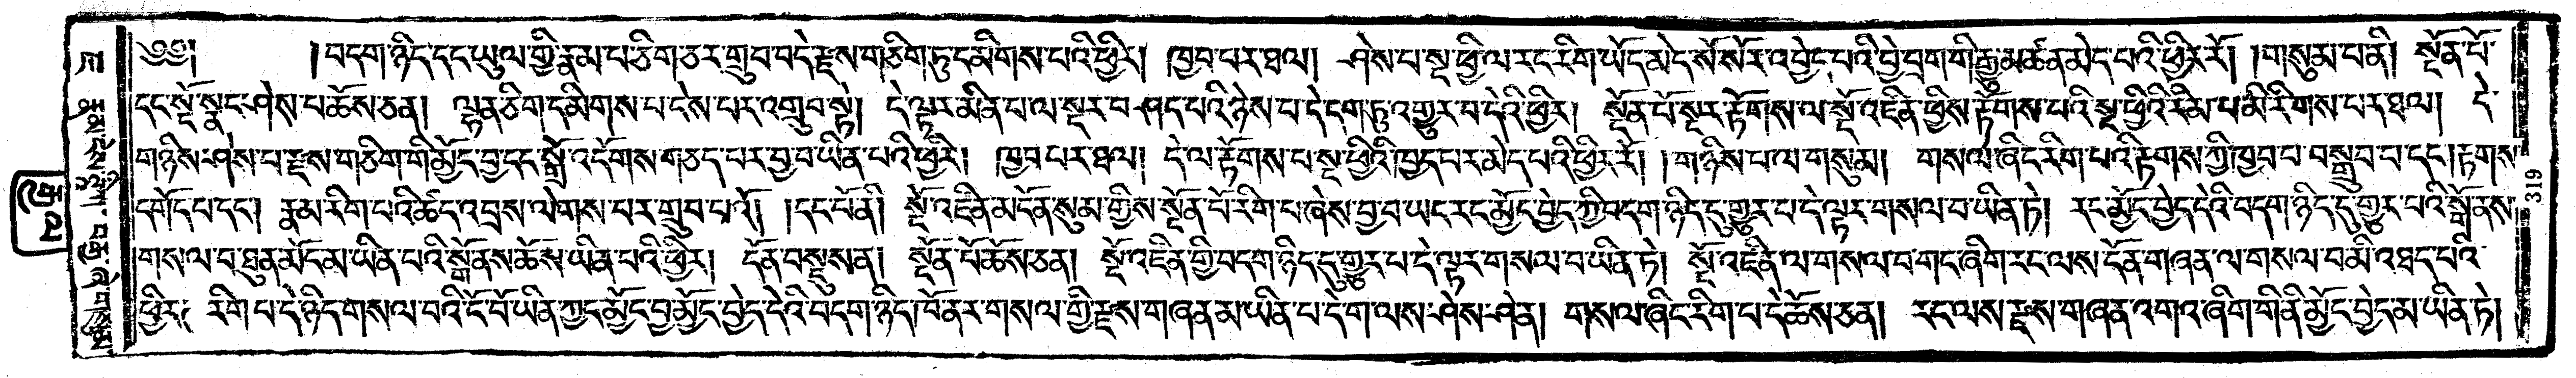༄༅། །བདག་ཉིད་དང་ཡུལ་གྱི་རྣམ་པ་ཅིག་ཅར་གྲུབ་བདེ་རྫས་གཅིག་ཏུ་དམིགས་པའི་ཕྱིར། ཁྱབ་པར་ཐལ། ཤེས་པ་སྔ་ཕྱི་ལ་རང་རིག་ཡོད་མེད་སོ་སོར་འབྱེད་པའི་བྱེ་བྲག་གི་རྒྱུ་མཚན་མེད་པའི་ཕྱིར་རོ། །གསུམ་པ་ནི། སྔོན་པོ་
དང་སྔོ་སྣང་ཤེས་པ་ཆོས་ཅན། ལྷན་ཅིག་དམིགས་པ་ངེས་པར་འགྲུབ་སྟེ། དེ་ལྟར་མིན་པ་ལ་སྔར་བཤད་པའི་ཉེས་པ་དེ་དག་ཏུ་འགྱུར་བ་དེའི་ཕྱིར། སྔོན་པོ་སྔར་རྟོགས་ལ་སྔོ་འཛིན་ཕྱིས་རྟོགས་པའི་སྔ་ཕྱིའི་རིམ་པ་མི་རིགས་པར་ཐལ། དེ་
གཉིས་ཤེས་པ་རྫས་གཅིག་གི་མྱོང་བྱ་དང་སྒྲོ་འདོགས་གཅད་པར་བྱ་བ་ཡིན་པའི་ཕྱིར། ཁྱབ་པར་ཐལ། དེ་ལ་རྟོགས་པ་སྔ་ཕྱིའི་ཁྱད་པར་མེད་པའི་ཕྱིར་རོ། །གཉིས་པ་ལ་གསུམ། གསལ་ཞིང་རིག་པའི་རྟགས་ཀྱི་ཁྱབ་པ་བསྒྲུབ་པ་དང་། རྟགས་
དགོད་པ་དང་། རྣམ་རིག་པའི་ཚད་འབྲས་ལེགས་པར་གྲུབ་པའོ། །དང་པོ་ནི། སྔོ་འཛིན་མངོན་སུམ་གྱིས་སྔོན་པོ་རིག་པ་ཞེས་བྱ་བ་ཡང་རང་མྱོང་བྱེད་ཀྱི་བདག་ཉིད་དུ་གྱུར་པ་དེ་ལྟར་གསལ་བ་ཡིན་ཏེ། རང་མྱོང་བྱེད་དེའི་བདག་ཉིད་དུ་གྱུར་པའི་སྒོ་ནས་
གསལ་བ་ཐུན་མོང་མ་ཡིན་པའི་སྒོ་ནས་ཆོས་ཡིན་པའི་ཕྱིར། དོན་བསྡུས་ན། སྔོན་པོ་ཆོས་ཅན། སྔོ་འཛིན་གྱི་བདག་ཉིད་དུ་གྱུར་པ་དེ་ལྟར་གསལ་བ་ཡིན་ཏེ། སྔོན་འཛིན་ལ་གསལ་བ་གང་ཞིག་རང་ལས་དོན་གཞན་ལ་གསལ་བ་མི་འཐད་པའི་
ཕྱིར། རིག་པ་དེ་ཉིད་གསལ་བའི་ངོ་བོ་ཡིན་ཀྱང་མྱོང་བྱ་མྱོང་བྱེད་དེའི་བདག་ཉིད་ཁོ་ནར་གསལ་གྱི་རྫས་གཞན་མ་ཡིན་པ་དེ་ག་ལས་ཤེས་ཤེ་ན། གསལ་ཞིང་རིག་པ་དེ་ཆོས་ཅན། རང་ལས་རྫས་གཞན་འགའ་ཞིག་གི་ནི་མྱོང་བྱེད་མ་ཡིན་ཏེ།